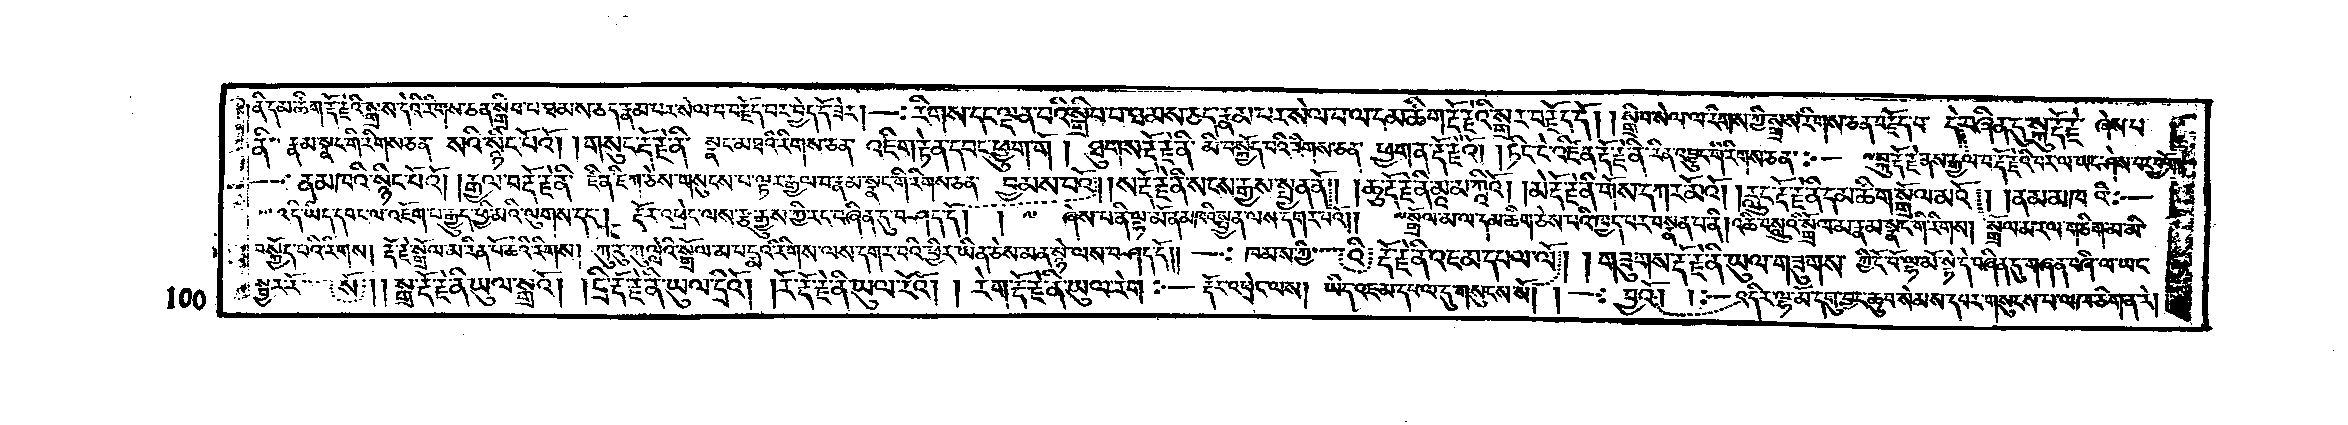ནི་དམ་ཚིག་རྡོ་རྗེའི་སྒྲས་དེའི་རིགས་ཅན་སྒྲིབ་པ་ཐམས་ཅད་རྣམ་པར་སེལ་བ་བརྗོད་པར་བྱེད་དོ་ཟེར། H.་རིགས་དང་ལྡན་པའི་སྒྲིབ་པ་ཐམས་ཅད་རྣམ་པར་སེལ་བ་ལ་དམ་ཚིག་རྡོ་རྗེའི་སྒྲར་བརྗོད་དོ། །སྒྲིབ་སེལ་ལ་རིགས་ཀྱི་སྒྲས་རིགས་ཅན་བརྗོད་པ་དེ་བཞིན་དུ་སྐུ་རྡོ་རྗེ། ཞེས་པ་
ནི་རྣམ་སྣང་གི་རིགས་ཅན་སའི་སྙིང་པོའོ། །གསུང་རྡོ་རྗེ་ནི་སྣང་མཐའི་རིགས་ཅན་འཇིག་རྟེན་དབང་ཕྱུག་གོ ། ཐུགས་རྡོ་རྗེ་ནི་མི་བསྐྱོད་པའི་རིགས་ཅན་ཕྱག་ན་རྡོ་རྗེའོ། །ཏིང་ངེ་འཛིན་རྡོ་རྗེ་ནི་རིན་འབྱུང་གི་རིགས་ཅན་H.་༧སྐུ་རྡོ་རྗེ་ནས་རྒྱལ་བ་རྡོ་རྗེའི་བར་ལ་ཡང་ཤེས་པར་བྱའོ་
H.་ནམ་མཁའི་སྙིང་པོའོ། །རྒྱལ་བ་རྡོ་རྗེ་ནི་ཛི་ན་ཛི་ཀ་ཅེས་གསུངས་པ་ལྟར་རྒྱལ་བ་རྣམ་སྣང་གི་རིགས་ཅན་བྱམས་པའོ། །ས་རྡོ་རྗེ་ནི་སངས་རྒྱས་སྤྱན་ནོ། །ཆུ་རྡོ་རྗེ་ནི་མཱ་མ་ཀཱིའོ། །མེ་རྡོ་རྗེ་ནི་གོས་དཀར་མོའོ། །རླུང་རྡོ་རྗེ་ནི་དམ་ཚིག་སྒྲོལ་མའོ། །ནམ་མཁའི་H.
༧འདི་ཡིད་དབང་ལ་འཇོག་པ་རྒྱུད་ཕྱི་མའི་ལུགས་དང་། རྡོར་འཕྲེང་ལས་རྩ་རྒྱུས་ཀྱི་རང་བཞིན་དུ་བཤད་དོ། ། ༧ཞེས་པ་ནི་ལྷ་མོ་ནམ་མཁའི་སྤྱན་ལས་དགར་པའོ། །༧སྒྲོལ་མ་ལ་དམ་ཚིག་ཅེས་པའི་ཁྱད་པར་བསྣན་པ་ནི། འཆི་བསླུའི་སྒྲོལ་མ་རྣམ་སྣང་གི་རིགས། སྒྲོལ་མ་རལ་གཅིག་མ་མི་
བསྐྱོད་པའི་རིགས། རྡོ་རྗེ་སྒྲོལ་མ་རིན་པོ་ཆེའི་རིགས། ཀུ་རུ་ཀུ་ལླེའི་སྒྲོལ་མ་པདམའི་རིགས་ལས་དགར་བའི་ཕྱིར་ཡིན་ཅེས་མན་སྙེ་ལས་བཤད་དོ།། H.་ཁམས་ཀྱི་འི་རྡོ་རྗེ་ནི་འཇམ་དཔལ་ལོ། །གཟུགས་རྡོ་རྗེ་ནི་ཡུལ་གཟུགས་ཀྱི་ངོ་བོ་ལྷ་མོ་སྟེ་དེ་བཞིན་དུ་གཞན་བཞི་ལ་ཡང་
སྦྱར་རོ་སོ། །སྒྲ་རྡོ་རྗེ་ནི་ཡུལ་སྒྲའོ། །དྲི་རྡོ་རྗེ་ནི་ཡུལ་དྲིའོ། །རོ་རྡོ་རྗེ་ནི་ཡུལ་རོའོ། །རེག་རྡོ་རྗེ་ནི་ཡུལ་རེག་H.་རྡོར་འཕྲེང་ལས། ཡིད་འཇམ་དཔལ་དུ་གསུངས་སོ། ། H.་བྱའོ། ། H.་འདིར་ལྷ་མོ་དགུ་བྱང་ཆུབ་སེམས་དཔར་གསུངས་པ་ལ་ཁ་ཅིག་ན་རེ།